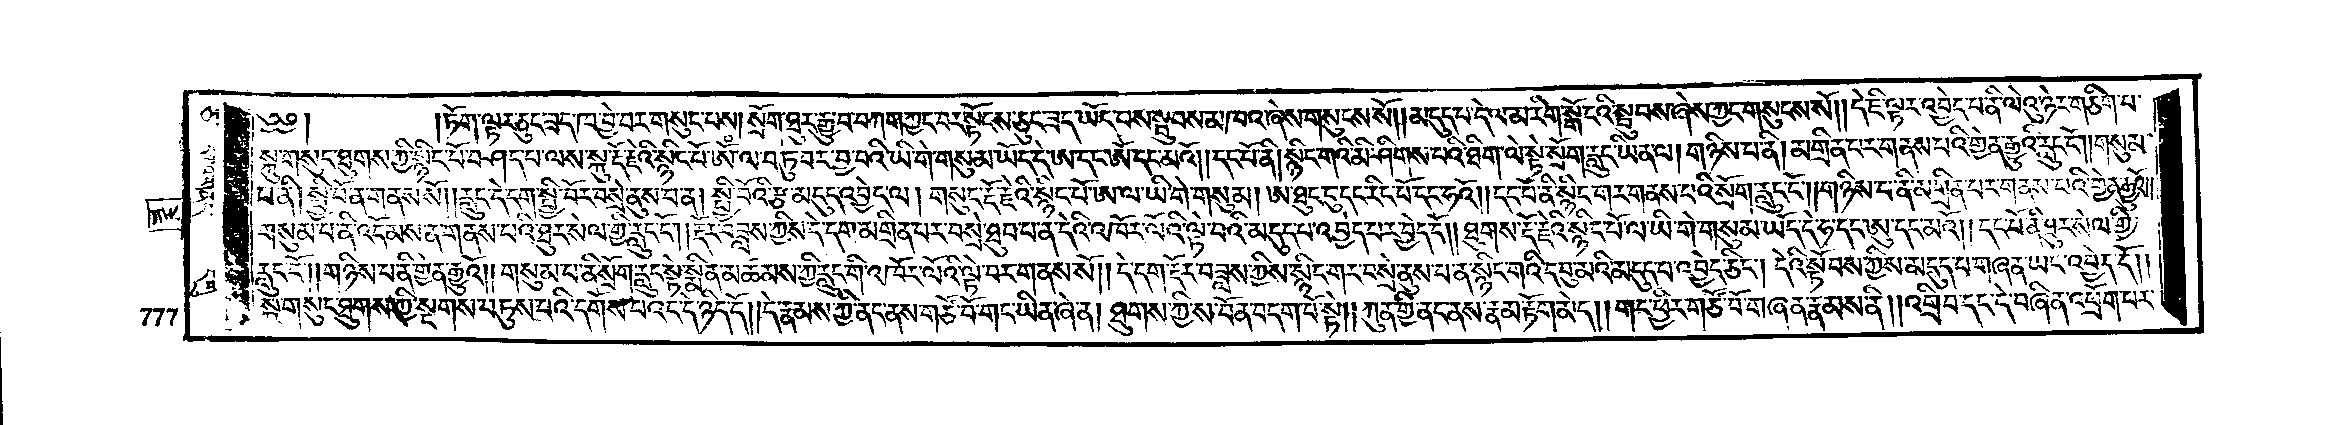༄༅། །ཏོག་ལྟར་ཅུང་ཟད་ཁ་བྱེ་བར་གསུང་པས། སྲོག་ཐུར་རྒྱུ་བ་བཀག་ཀྱང་བར་སྟོངས་ཅུང་ཟད་ཡོད་པས་སྦུབས་མཁའ་ཞེས་གསུངས་སོ། །མདུད་པ་དེ་ལ་མ་རིག་སྒོ་ངའི་སྦུབས་ཞེས་ཀྱང་གསུངས་སོ། །དེ་ཇི་ལྟར་འབྱེད་པ་ནི་ལེའུ་ཉེར་གཅིག་པ་
སྐུ་གསུང་ཐུགས་ཀྱི་སྙིང་པོ་བཤད་པ་ལས་སྐུ་རྡོ་རྗེའི་སྙིང་པོ་ཨོཾ་ལ་བཏུ་བར་བྱ་བའི་ཡི་གེ་གསུམ་ཡོད་དེ་ཨ་དང་ཨོ་དང་མའོ། །དང་པོ་ནི། སྙིང་གའི་མི་ཤིགས་པའི་ཐིག་ལེ་སྟེ་སྲོག་རླུང་ཡིན་ལ། གཉིས་པ་ནི། མགྲིན་པར་གནས་པའི་གྱེན་རྒྱུའི་རླུང་ངོ། །གསུམ་
པ་ནི། སྤྱི་བོ་ན་གནས་སོ། །རླུང་དེ་དག་སྤྱི་བོར་བསྲེ་ནུས་པ་ན། སྤྱི་བོའི་རྩ་མདུད་འབྱེད་ལ། གསུང་རྡོ་རྗེའི་སྙིང་པོ་ཨ་ལ་ཡི་གེ་གསུམ། ཨ་ཐུང་ངུ་དང་རིང་པོ་དང་ཧའོ། །དང་པོ་ནི་སྙིང་གར་གནས་པའི་སྲོག་རླུང་ངོ། །གཉིས་པ་ནི་མགྲིན་པར་གནས་པའི་གྱེན་རྒྱུའོ། །
གསུམ་པ་ནི་འདོམས་ན་གནས་པའི་ཐུར་སེལ་གྱི་རླུང་ངོ། །རྡོར་བཟླས་ཀྱིས་དེ་དག་མགྲིན་པར་བསྲེ་ཐུབ་པ་ན་དེའི་འཁོར་ལོའི་ལྟེ་བའི་མདུད་པ་འབྱེད་པར་བྱེད་དོ། །ཐུགས་རྡོ་རྗེའི་སྙིང་པོ་ལ་ཡི་གེ་གསུམ་ཡོད་དེ་ཧ་དང་ཨུ་དང་མའོ། །དང་པོ་ནི་ཐུར་སེལ་གྱི་
རླུང་ངོ། །གཉིས་པ་ནི་གྱེན་རྒྱུའོ། །གསུམ་པ་ནི་སྲོག་རླུང་སྟེ་སྨིན་མཚམས་ཀྱི་རླུང་གི་འཁོར་ལོའི་ལྟེ་བར་གནས་སོ། །དེ་དག་རྡོར་བཟླས་ཀྱིས་སྙིང་གར་བསྲེ་ནུས་པ་ན་སྙིང་གའི་དབུ་མའི་མདུད་པ་འབྱེད་ཅིང་། དེའི་སྟོབས་ཀྱིས་མདུད་པ་གཞན་ཡང་འབྱེད་དོ། །
སྐུ་གསུང་ཐུགས་ཀྱི་སྔགས་བཏུས་པའི་དགོས་པའང་དེ་ཉིད་དོ། །དེ་རྣམས་ཀྱི་ནང་ནས་གཙོ་བོ་གང་ཡིན་ཞེ་ན། ཐུགས་ཀྱི་ས་བོན་བདག་པོ་སྟེ། །ཀུན་གྱི་ནང་ནས་རྣམ་རྟོག་མེད། །གང་ཕྱིར་གཙོ་བོ་གཞན་རྣམས་ནི། །འགྲིབ་དང་དེ་བཞིན་འཕྲོག་པར་